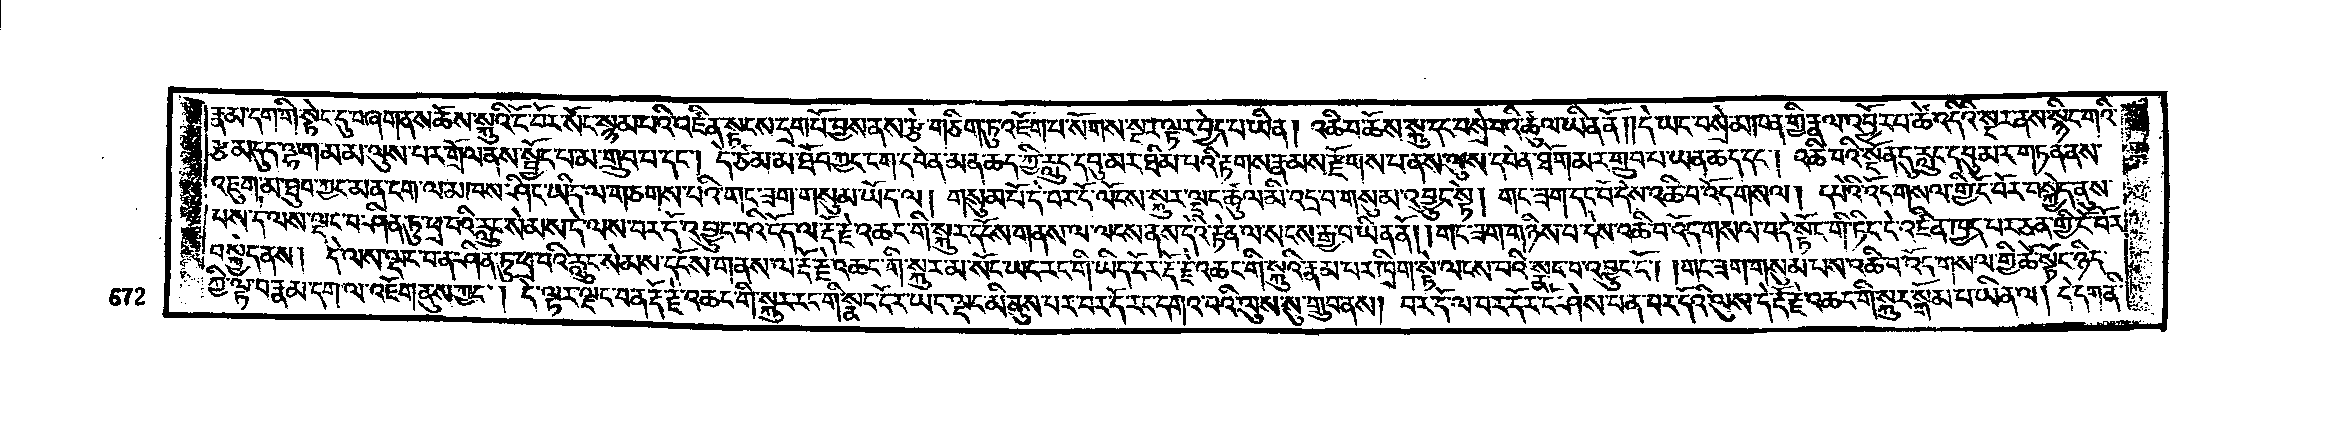རྣམ་དག་གི་སྟེང་དུ་བཞག་ནས་ཆོས་སྐུའི་ངོ་བོར་སོང་སྙམ་པའི་འཛིན་སྟངས་དྲག་པོ་བྱས་ནས་རྩེ་གཅིག་ཏུ་འཇོག་པ་སོགས་སྔར་ལྟར་བྱེད་པ་ཡིན། འཆི་བ་ཆོས་སྐུ་དང་བསྲེ་བའི་ཚུལ་ཡིན་ནོ། །དེ་ཡང་བསྲེ་མཁན་གྱི་རྣལ་འབྱོར་བ་ཚེ་འདིའི་སྔར་ནས་སྙིང་གའི་
རྩ་མདུད་ལྷག་མ་མ་ལུས་པར་གྲོལ་ནས་སྤྱོད་པ་མ་གྲུབ་པ་དང་། དེ་ཙམ་མ་ཐོབ་ཀྱང་ངག་དབེན་མན་ཆད་ཀྱི་རླུང་དབུ་མར་ཐིམ་པའི་རྟགས་རྣམས་རྫོགས་པ་ནས་ལུས་དབེན་ཐོག་མར་གྲུབ་པ་ཡན་ཆད་དང་། འཆི་བའི་སྔོན་དུ་རླུང་དབུ་མར་གཏན་ནས་
འཇུག་མ་ཐུབ་ཀྱང་མན་ངག་ལ་མཁས་ཤིང་ཡིད་ལ་གཅགས་པའི་གང་ཟག་གསུམ་ཡོད་ལ། གསུམ་པོ་དེ་བར་དོ་ལོངས་སྐུར་ལྡང་ཚུལ་མི་འདྲ་བ་གསུམ་འབྱུང་སྟེ། གང་ཟག་དང་པོ་དེས་འཆི་བ་འོད་གསལ། དཔེའི་འོད་གསལ་གྱི་ངོ་བོར་བསྐྱེད་ནུས་
པས་དེ་ལས་ལྡང་བ་ཤིན་ཏུ་ཕྲ་བའི་རླུང་སེམས་དེ་ལས་བར་དོ་འབྱུང་བའི་དོད་ལ་རྡོ་རྗེ་འཆང་གི་སྐུར་དངོས་གནས་ལ་ལངས་ནས་དེའི་རྟེན་ལ་སངས་རྒྱ་བ་ཡིན་ནོ། །གང་ཟག་གཉིས་པ་དེས་འཆི་བ་འོད་གསལ་བདེ་སྟོང་གི་ཏིང་ངེ་འཛིན་ཁྱད་པར་ཅན་གྱི་ངོ་བོར་
བསྐྱེད་ནས། དེ་ལས་ལྡང་བ་ན་ཤིན་ཏུ་ཕྲ་བའི་རླུང་སེམས་དངོས་གནས་ལ་རྡོ་རྗེ་འཆང་གི་སྐུར་མ་སོང་ཡང་རང་གི་ཡིད་ངོར་རྡོ་རྗེ་འཆང་གི་སྐུའི་རྣམ་པར་ཁྲིག་སྟེ་ལངས་པའི་སྣང་བ་འབྱུང་ངོ། །གང་ཟག་གསུམ་པས་འཆི་བ་འོད་གསལ་གྱི་ཚེ་སྟོང་ཉིད་
གྱི་ལྟ་བ་རྣམ་དག་ལ་འཇོག་ནུས་ཀྱང་། དེ་ལྟར་ལྡང་བ་ན་རྡོ་རྗེ་འཆང་གི་སྐུར་རང་གི་སྣང་ངོར་ཡང་ལྡང་མི་ནུས་པར་བར་དོ་རང་དགའ་བའི་ལུས་སུ་གྲུབ་ནས། བར་དོ་ལ་བར་དོར་ངོ་ཤེས་པ་ན་བར་དོའི་ལུས་དེ་རྡོ་རྗེ་འཆང་གི་སྐུར་སྒོམ་པ་ཡིན་ལ། དེ་དག་ནི་